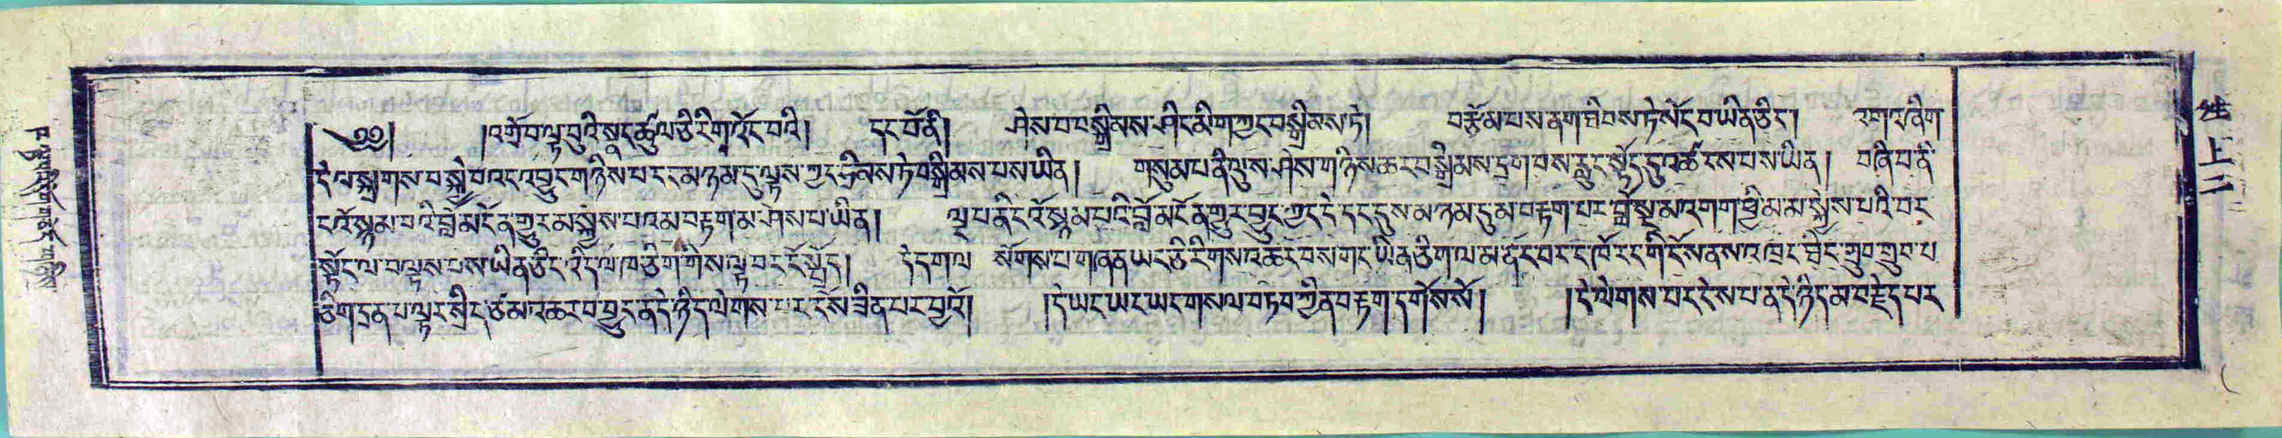འགྲོ་བ་ལྟ་བུའི་སྣང་ཚུལ་ཅི་རིག་འོང་བའི། དང་པོ་ནི། ཤེས་པ་བསྒྲིམས་ཤིང་༄༅། །མིག་ཀྱང་བསྒྲིམས་ཏེ། བརྩོམ་བས་ནག་ཐིབས་ཏེ་སོང་བ་ཡིན་ཅིང་། འགའ་ཞིག་དེ་ལ་སྐྲགས་པ་སྐྱེ་བའང་འབྱུང་གཉིས་པ་དང་མཉམ་དུ་ལྟས་ཀྱང་ཧྲིམས་
ཏེ་བསྒྲིམས་པས་ཡིན། གསུམ་པ་ནི་ལུས་ཤེས་གཉིས་ཆར་བསྒྲིམས་དག་བས་རླུང་སྟོང་དུ་འཚངས་པས་ཡིན། བཞི་པ་ནི་ངའོ་སྙམ་པའི་བློ་མངོན་གྱུར་མ་སྐྱེས་པའམ་བརྟག་མ་ཤེས་
པ་ཡིན༑ ལྔ་པ་ནི་ངའོ་སྙམ་པའི་བློ་མངོན་གྱུར་བྱུང་ཀྱང་དེ་དང་དུས་མཉམ་དུ་མ་བརྟག་པར་བློ་སྔ་མ་འགག་ཕྱི་མ་མ་སྐྱེས་པའི་བར་སྟོང་ལ་བལྟས་པས་ཡིན་ཅིང་འདི་ལ་ཁ་ཅིག་གིས་ལྟ་བར་
ངོ་སྤྲོད། དེ་དག་ལ་སོགས་པ་གཞན་ཡང་ཅི་རིགས་འཆར་བས་གང་ཡིན་ཅིག་ལ་མ་ནོར་བ་རང་ཁོ་རང་གི་ངོས་ནས་འཁྲང་ཐིང་གྲུབ་གྲུབ་པ་ཅིག་དྲན་པ་ལྟར་སྲེང་ཙམ་འཆར་བ་བྱུང་ན་དེ་ཉིད་
ལེགས་པར་ངོས་ཟིན་པར་བྱའོ། །དེ་ཡང་ཡང་ཡང་གསལ་བཏབ་ཀྱི་ན་བརྟག་དགོས་སོ། །དེ་ལེགས་པར་དེས་པ་ན་དེ་ཉིད་མ་བརྗེད་པར་